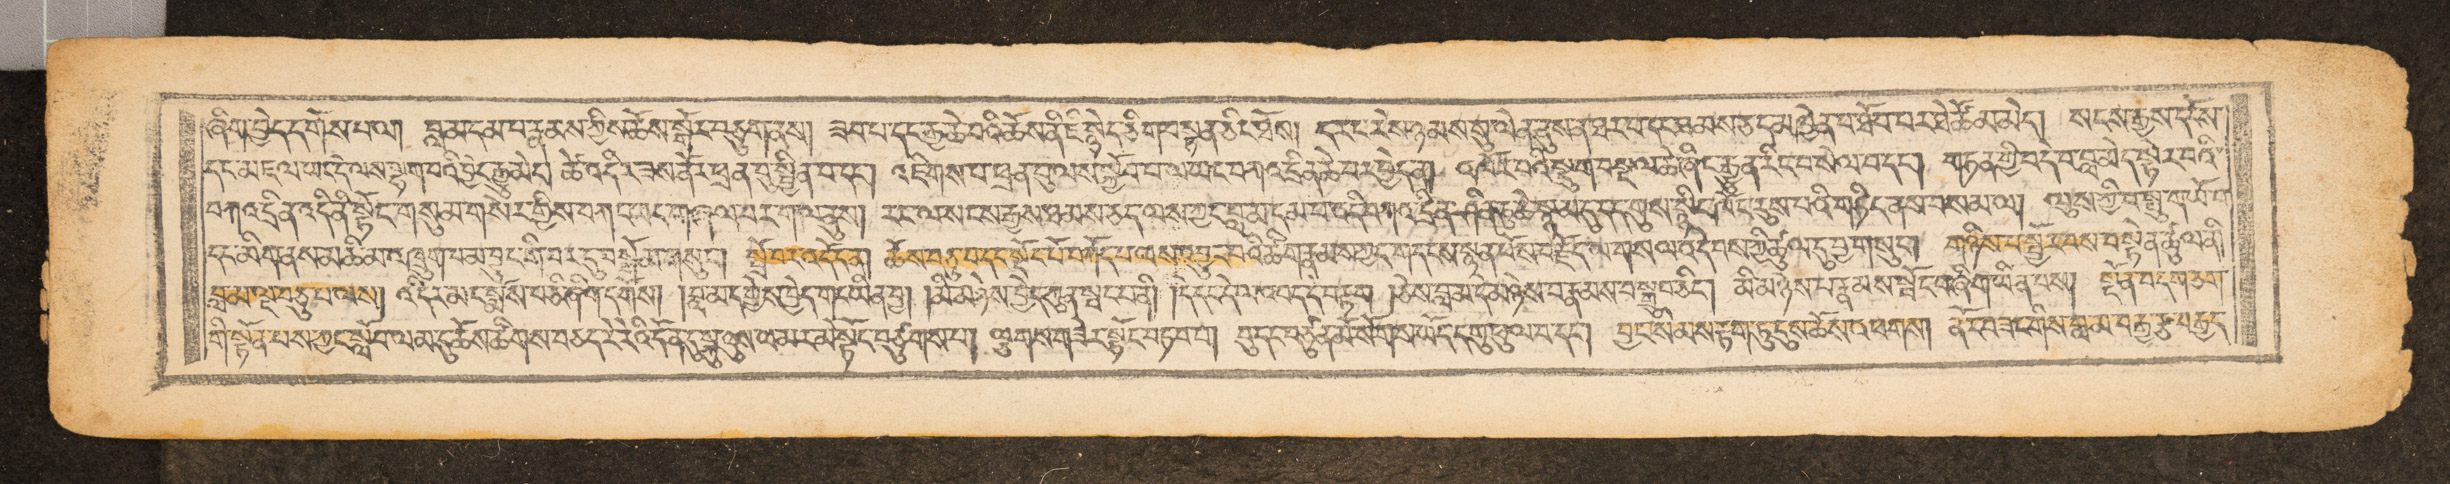ཞིག་བྱེད་དགོས་པ་ལ། བླ་མ་དམ་པ་རྣམས་ཀྱིས་ཆོས་སྒོར་བཅུག་ནས། ཟབ་པ་དང་རྒྱ་ཆེ་བའི་ཆོས་ནི་ཇི་སྙེད་ཅིག་བསྟན་ཅིང་ཐོས། ད་རང་རེས་ཉམས་སུ་ལེན་ནུས་ན་ཐར་པ་དང་ཐམས་ཅད་མཁྱེན་པ་ཐོབ་པར་ཐེ་ཚོམ་མེད། སངས་རྒྱས་དངོས་
དང་མཇལ་ཡང་དེ་ལས་ལྷག་པའི་བྱེད་རྒྱུ་མེད། ཚེ་འདིར་ཟས་ནོར་ཕྲན་བུ་སྦྱིན་པ་དང་། འཇིགས་པ་ཕྲན་བུ་ལས་སྐྱོབ་པ་ལ་ཡང་བཀའ་དྲིན་ཆེ་བར་བྱེད་ན། འཁོར་པའི་སྡུག་བསྔལ་ཆེ་ཞིང་རྒྱུན་རིང་བ་སེལ་བ་དང་། གཏན་གྱི་བདེ་བ་བླ་མེད་སྙེད་པའི་
བཀའ་དྲིན་འདི་ནི་སྟོང་གསུམ་གསེར་གྱིས་བཀང་ཡང་གཞལ་བར་ག་ལ་ནུས། རང་ལ་སངས་རྒྱས་ཐམས་ཅད་ལས་ཀྱང་བླ་མ་དམ་པ་འདི་བཀའ་དྲིན་ཤིན་ཏུ་ཆེ་སྙམ་དུ་དད་གུས་སྙིང་ཁོང་རུས་པའི་གཏིང་ནས་བསམ་ལ། ལུས་ཀྱི་བ་སྤུ་གཡོ་བ་
དང་མིག་ནས་མཆི་མ་འཁྲུག་བམ་བྱུང་གི་བར་དུ་བསྒོམ་གསུང་། སྔོ་བར་འདོད་ན། ཆོས་བཅུ་པ་དང་སྡོང་པོ་བཀོད་པ་ལས་འབྱུང་བའི་ཚིག་རྣམས་ཀྱང་གདངས་སྙན་པོས་བརྗོད་ལ་གསལ་འདེབས་ཀྱི་ཚུལ་དུ་བྱ་གསུང་། གཉིས་པ་སྦྱོར་བས་བསྟེན་ཚུལ་ནི།
བླ་མ་ལྔ་བཅུ་བ་ལས། འདིར་མང་སྨོས་པ་ཅི་ཞིག་དགོས། །བླ་མ་དགྱེས་བྱེད་གང་ཡིན་བྱ། །མི་མཉེས་བྱེད་ཀུན་སྤང་བ་ནི། །དེ་དང་དེ་ལ་འབད་དེ་བརྟག །ཅེས་བླ་མ་དེ་མཉེས་པ་རྣམས་བསྒྲུབ་ཅིང་། མི་མཉེས་པ་རྣམས་སྤོང་བ་ཞིག་ཡིན་པས། སྔོན་བདག་ཅག་
གི་སྟོན་པས་ཀྱང་སློབ་ལམ་དུ་ཆོས་ཚིགས་བཅད་རེ་རེའི་དོན་དུ་སྐུ་ལུས་ལ་མར་མེ་སྟོང་བཙུགས་པ། ལྕགས་གཟེར་སྟོང་བཏབ་པ། བུ་དང་བཙུན་མོ་སོགས་ཡོད་དགུ་ཕུལ་བ་དང་། བྱང་སེམས་རྟག་ཏུ་དུས་ཆོས་འཕགས། ནོར་བཟང་གིས་བླ་མ་བརྒྱ་རྩ་བརྒྱད་